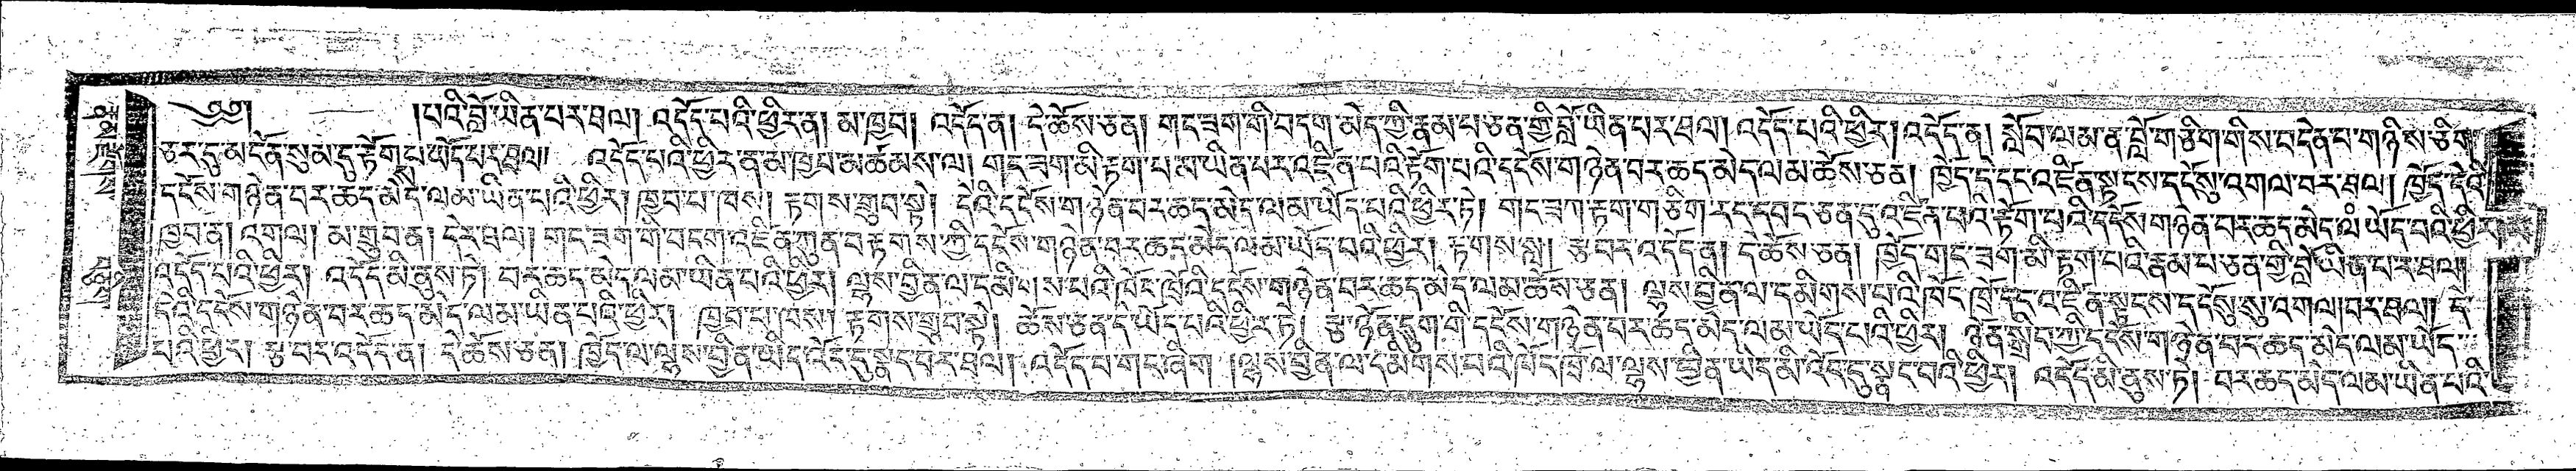༄༅། །པའི་བློ་ཡིན་པར་ཐལ། འདོད་པའི་ཕྱིར་ན། མ་ཁྱབ། འདོད་ན། དེ་ཆོས་ཅན། གང་ཟག་གི་བདག་མེད་ཀྱི་རྣམ་པ་ཅན་གྱི་བློ་ཡིན་པར་ཐལ། འདོད་པའི་ཕྱིར། འདོད་ན། སློབ་ལམ་ན་བློ་གཅིག་གིས་བདེན་པ་གཉིས་ཅིག་
ཅར་དུ་མངོན་སུམ་དུ་རྟོགས་པ་ཡོད་པར་ཐལ། འདོད་པའི་ཕྱིར་ན་མ་ཁྱབ་མཚམས་ལ། གང་ཟག་མི་རྟག་པ་མ་ཡིན་པར་འཛིན་པའི་རྟོག་པའི་དངོས་གཉེན་བར་ཆད་མེད་ལམ་ཆོས་ཅན། ཁྱོད་དེ་དང་འཛིན་སྟངས་དངོས་སུ་འགལ་བར་ཐལ། ཁྱོད་དེའི་
དངོས་གཉེན་བར་ཆད་མེད་ལམ་ཡིན་པའི་ཕྱིར། ཁྱབ་པ་ཁས། རྟགས་གྲུབ་སྟེ། དེའི་དངོས་གཉེན་བར་ཆད་མེད་ལམ་ཡོད་པའི་ཕྱིར་ཏེ། གང་ཟག་རྟག་གཅིག་རང་དབང་ཅན་དུ་འཛིན་པའི་རྟོག་པའི་དངོས་གཉེན་བར་ཆད་མེད་ལམ་ཡོད་པའི་ཕྱིར། མ་
ཁྱབ་ན། འགལ། མ་གྲུབ་ན། དེར་ཐལ། གང་ཟག་གི་བདག་འཛིན་ཀུན་བརྟགས་ཀྱི་དངོས་གཉེན་བར་ཆད་མེད་ལམ་ཡོད་པའི་ཕྱིར། རྟགས་སླ། རྩ་བར་འདོད་ན། དེ་ཆོས་ཅན། ཁྱོད་གང་ཟག་མི་རྟག་པའི་རྣམ་པ་ཅན་གྱི་བློ་ཡིན་པར་ཐལ།
འདོད་པའི་ཕྱིར། འདོད་མི་ནུས་ཏེ། བར་ཆད་མེད་ལམ་ཡིན་པའི་ཕྱིར། ལྷས་བྱིན་ལ་དམིགས་པའི་ཁོང་ཁྲོའི་དངོས་གཉེན་བར་ཆད་མེད་ལམ་ཆོས་ཅན། ལྷས་བྱིན་ལ་དམིགས་པའི་ཁོང་ཁྲོ་དང་འཛིན་སྟངས་དངོས་སུ་འགལ། བར་ཐལ། དེ་
དེའི་དངོས་གཉེན་བར་ཆད་མེད་ལམ་ཡིན་པའི་ཕྱིར། ཁྱབ་པ་ཁས། རྟགས་གྲུབ་སྟེ། ཆོས་ཅན་དེ་ཡོད་པའི་ཕྱིར་ཏེ། རྩ་ཉོན་དྲུག་གི་དངོས་གཉེན་བར་ཆད་མེད་ལམ་ཡོད་པའི་ཕྱིར། ཉོན་སྒྲིབ་ཀྱི་དངོས་གཉེན་བར་ཆད་མེད་ལམ་ཡོད་
པའི་ཕྱིར། རྩ་བར་འདོད་ན། དེ་ཆོས་ཅན། ཁྱོད་ལ་ལྷས་བྱིན་ཡིད་འོང་དུ་སྣང་བར་ཐལ། འདོད་པ་གང་ཞིག །ལྷས་བྱིན་ལ་དམིགས་པའི་ཁོང་ཁྲོ་ལ་ལྷས་བྱིན་ཡིད་མི་འོང་དུ་སྣང་བའི་ཕྱིར། འདོད་མི་ནུས་ཏེ། བར་ཆད་མེད་ལམ་ཡིན་པའི་